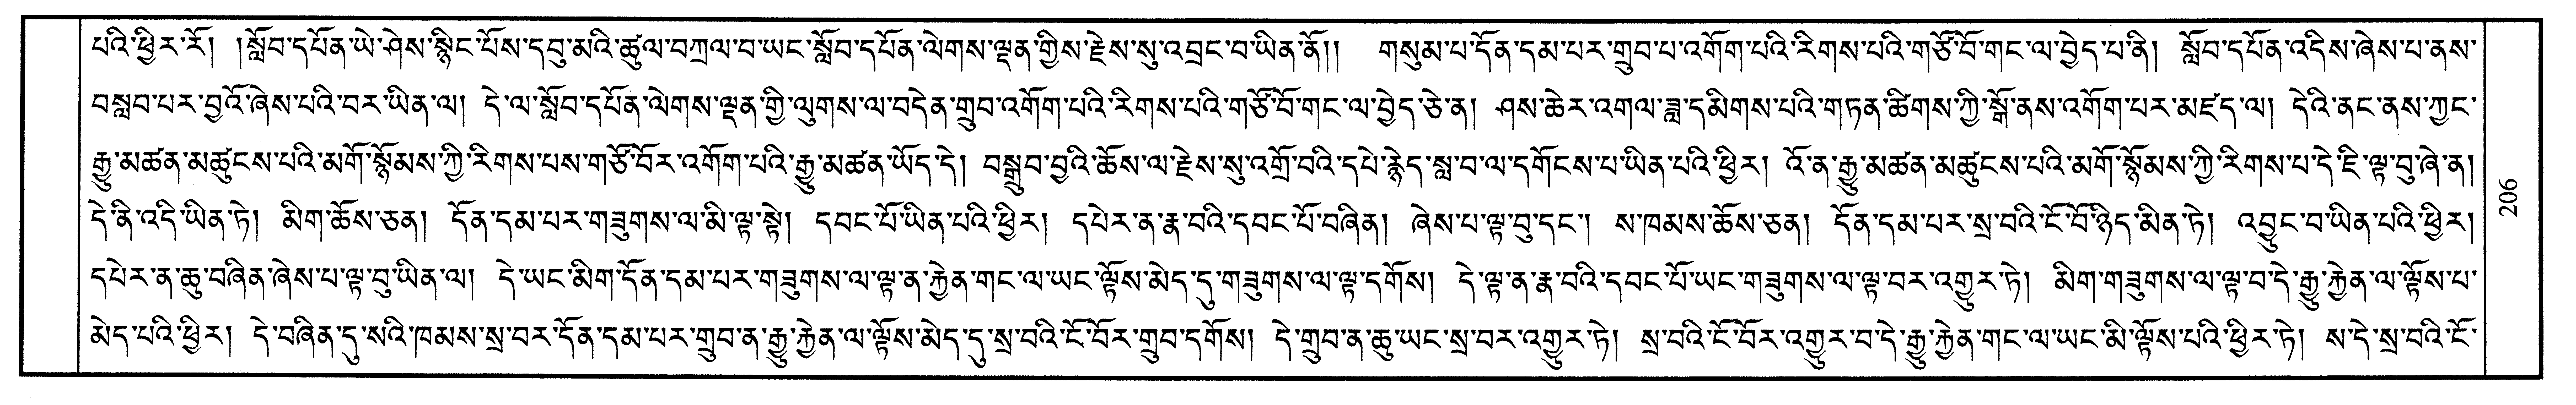པའི་ཕྱིར་རོ། །སློབ་དཔོན་ཡེ་ཤེས་སྙིང་པོས་དབུ་མའི་ཚུལ་བཀྲལ་བ་ཡང་སློབ་དཔོན་ལེགས་ལྡན་གྱིས་རྗེས་སུ་འབྲང་བ་ཡིན་ནོ།། གསུམ་པ་དོན་དམ་པར་གྲུབ་པ་འགོག་པའི་རིགས་པའི་གཙོ་བོ་གང་ལ་བྱེད་པ་ནི། སློབ་དཔོན་འདིས་ཞེས་པ་ནས་
བསླབ་པར་བྱའོ་ཞེས་པའི་བར་ཡིན་ལ། དེ་ལ་སློབ་དཔོན་ལེགས་ལྡན་གྱི་ལུགས་ལ་བདེན་གྲུབ་འགོག་པའི་རིགས་པའི་གཙོ་བོ་གང་ལ་བྱེད་ཅེ་ན། ཤས་ཆེར་འགལ་ཟླ་དམིགས་པའི་གཏན་ཚིགས་ཀྱི་སྒོ་ནས་འགོག་པར་མཛད་ལ། དེའི་ནང་ནས་ཀྱང་
རྒྱུ་མཚན་མཚུངས་པའི་མགོ་སྙོམས་ཀྱི་རིགས་པས་གཙོ་བོར་འགོག་པའི་རྒྱུ་མཚན་ཡོད་དེ། བསྒྲུབ་བྱའི་ཆོས་ལ་རྗེས་སུ་འགྲོ་བའི་དཔེ་རྙེད་སླ་བ་ལ་དགོངས་པ་ཡིན་པའི་ཕྱིར། འོ་ན་རྒྱུ་མཚན་མཚུངས་པའི་མགོ་སྙོམས་ཀྱི་རིགས་པ་དེ་ཇི་ལྟ་བུ་ཞེ་ན།
དེ་ནི་འདི་ཡིན་ཏེ། མིག་ཆོས་ཅན། དོན་དམ་པར་གཟུགས་ལ་མི་ལྟ་སྟེ། དབང་པོ་ཡིན་པའི་ཕྱིར། དཔེར་ན་རྣ་བའི་དབང་པོ་བཞིན། ཞེས་པ་ལྟ་བུ་དང་། ས་ཁམས་ཆོས་ཅན། དོན་དམ་པར་སྲ་བའི་ངོ་བོ་ཉིད་མིན་ཏེ། འབྱུང་བ་ཡིན་པའི་ཕྱིར།
དཔེར་ན་ཆུ་བཞིན་ཞེས་པ་ལྟ་བུ་ཡིན་ལ། དེ་ཡང་མིག་དོན་དམ་པར་གཟུགས་ལ་ལྟ་ན་རྐྱེན་གང་ལ་ཡང་ལྟོས་མེད་དུ་གཟུགས་ལ་ལྟ་དགོས། དེ་ལྟ་ན་རྣ་བའི་དབང་པོ་ཡང་གཟུགས་ལ་ལྟ་བར་འགྱུར་ཏེ། མིག་གཟུགས་ལ་ལྟ་བ་དེ་རྒྱུ་རྐྱེན་ལ་ལྟོས་པ་
མེད་པའི་ཕྱིར། དེ་བཞིན་དུ་སའི་ཁམས་སྲ་བར་དོན་དམ་པར་གྲུབ་ན་རྒྱུ་རྐྱེན་ལ་ལྟོས་མེད་དུ་སྲ་བའི་ངོ་བོར་གྲུབ་དགོས། དེ་གྲུབ་ན་ཆུ་ཡང་སྲ་བར་འགྱུར་ཏེ། སྲ་བའི་ངོ་བོར་འགྱུར་བ་དེ་རྒྱུ་རྐྱེན་གང་ལ་ཡང་མི་ལྟོས་པའི་ཕྱིར་ཏེ། ས་དེ་སྲ་བའི་ངོ་